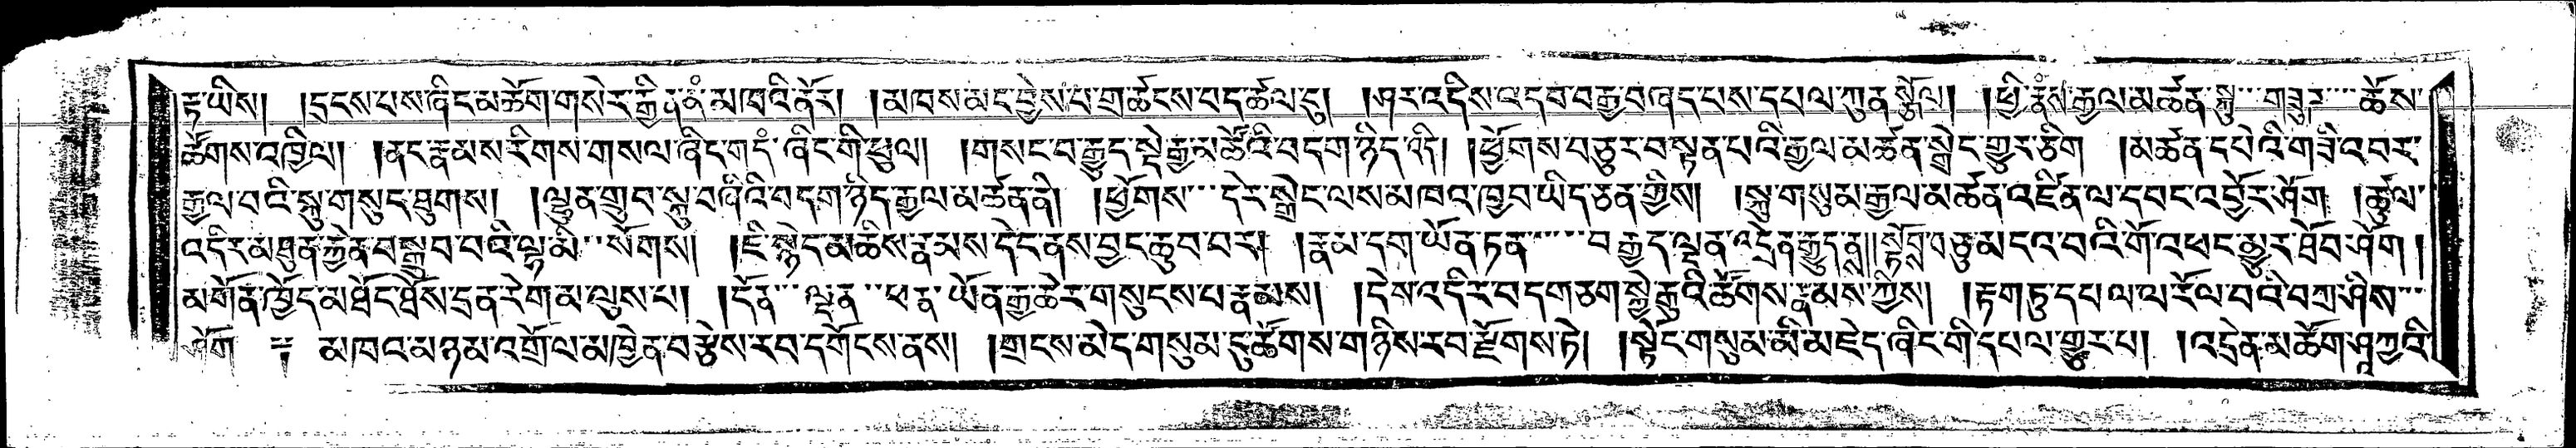རྟ་ཡིས། །དྲངས་པས་ཞིང་མཆོག་གསེར་རྒྱིན་ནམ་མཁའི་ནོར། །མཁས་མང་བྱེས་པ་གྲ་ཚངས་པད་ཚལ་དུ། །ཤར་འདིས་འདབ་བརྒྱ་བཞད་པས་དཔལ་ཀུན་སྩོལ། །ཕྱི་རྣམས་རྒྱལ་མཚན་སྐུ་གཟུགས་ཆོས་
ཚོགས་འཁྱིལ། །ནང་རྣམས་རིགས་གསལ་ཞིང་གདམ་ཞིང་གི་ཕུལ། །གསང་བ་རྒྱུད་སྡེ་རྒྱ་མཚོའི་བདག་ཉིད་འདི། །ཕྱོགས་བཅུར་བསྟན་པའི་རྒྱལ་མཚན་སྒྲེང་གྱུར་ཅིག །མཚན་དཔེའི་གཟི་འབར་
རྒྱལ་བའི་སྐུ་གསུང་ཐུགས། །ལྷུན་གྲུབ་སྐུ་བཞིའི་བདག་ཉིད་རྒྱལ་མཚན་ནི། །ཕྱོགས་དེར་སྒྲེང་ལས་མཁའ་ཁྱབ་ཡིད་ཅན་གྱིས། །སྐུ་གསུམ་རྒྱལ་མཚན་འཛིན་ལ་དབང་འབྱོར་ཤོག །ཚུལ་
འདིར་མཐུན་རྐྱེན་བསྒྲུབ་པའི་ལྷ་མི་སོགས། །ཇི་སྙེད་མཆིས་རྣམས་དེང་ནས་བྱང་ཆུབ་བར། །རྣམ་དག་ཡོན་ཏན་བརྒྱད་ལྡན་འདྲེན་རྒྱུད་ནས། །སྟོབས་བཅུ་མངའ་བའི་གོ་འཕང་མྱུར་ཐོབ་ཤོག །
མགོན་ཁྱོད་མཐོང་ཐོས་དྲན་རེག་མ་ལུས་པ། །དོན་ལྡན་ཕན་ཡོན་རྒྱ་ཆེར་གསུངས་པ་རྣམས། །དེས་འདིར་བདག་ཅག་སྐྱེ་རྒུའི་ཚོགས་རྣམས་ཀྱིས། །རྟག་ཏུ་དཔལ་ལ་རོལ་བའི་བཀྲ་ཤིས་
ཤོག ༈ མཁའ་མཉམ་འགྲོ་ལ་མཁྱེན་བརྩེས་རབ་དགོངས་ནས། །གྲངས་མེད་གསུམ་དུ་ཚོགས་གཉིས་རབ་རྫོགས་ཏེ། །སྟོང་གསུམ་མི་མཇེད་ཞིང་གི་དཔལ་གྱུར་པ། །འདྲེན་མཆོག་ཤཱཀྱའི་